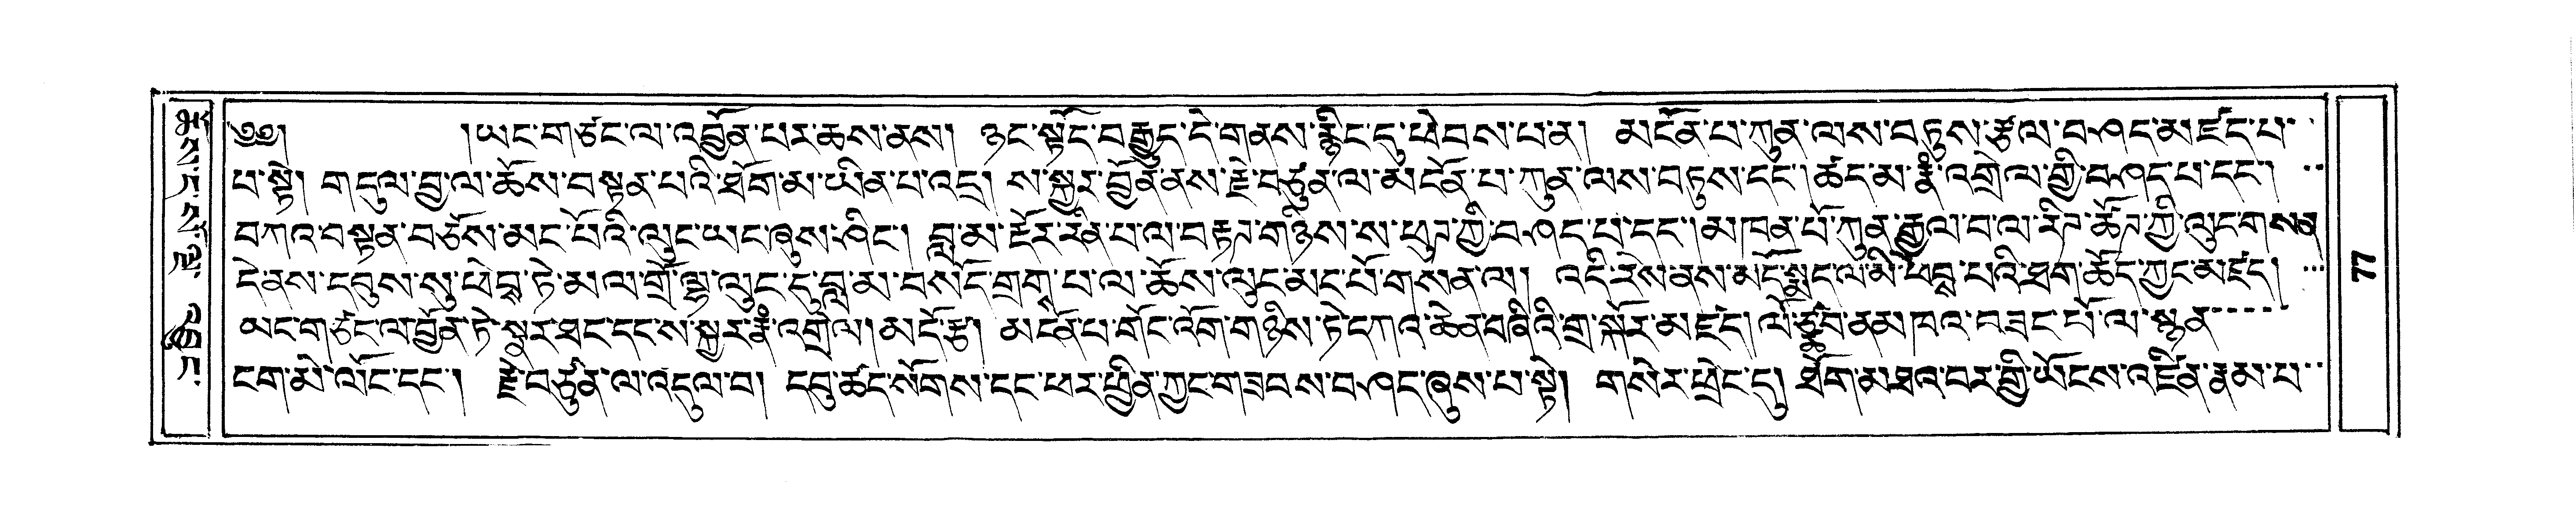༄༅། །ཡང་གཙང་ལ་འབྱོན་པར་ཆས་ནས། ཉང་སྟོད་བརྒྱུད་དེ་གནས་རྙིང་དུ་ཕེབས་པ་ན། མངོན་པ་ཀུན་ལས་བཏུས་རྩལ་བཤད་མཛད་པ་
པ་སྟེ། གདུལ་བྱ་ལ་ཆོས་བསྟན་པའི་ཐོག་མ་ཡིན་པ་འདྲ། ས་སྐྱར་བྱོན་ནས་རྗེ་བཙུན་ལ་མངོན་པ་ཀུན་ལས་བཏུས་དང་། ཚད་མ་རྣཾ་འགྲེལ་གྱི་བཤད་པ་དང་།
བཀའ་བསྟན་བཅོས་མང་པོའི་ལུང་ཡང་ཞུས་ཤིང་། བླ་མ་རྡོར་རིན་པ་ལ་བརྟཌ་གཉིས་ས་ཕུཌ་ཀྱི་བཤད་པ་དང་། མཁན་པོ་ཀུན་རྒྱལ་བ་ལ་རིཌ་ཚོཌ་ཀྱི་ལུང་གསན་
དེ་ནས་དབུས་སུ་ཕེབས་ཏེ་མལ་གྲོ་ལྷ་ལུང་དུ་བླ་མ་བསོད་གྲགས་པ་ལ་ཆོས་ལུང་མང་པོ་གསན་ལ། འདི་རེས་ནས་མདོ་སྨད་ལ་མི་ཕེབས་པའི་ཐག་ཆོད་ཀྱང་མཛད།
ཡང་གཙང་ལ་བྱོན་ཏེ་སྣར་ཐང་དང་ས་སྐྱར་རྣཾ་འགྲེལ། མདོ་རྩ། མངོན་པ་གོང་འོག་གཉིས་ཏེ་དཀའ་ཆེན་བཞིའི་གྲ་སྐོར་མཛད། ལོ་ཙྪ་བ་ནམཁའ་བཟང་པོ་ལ་སྙན་
ངག་མེ་ལོང་དང་། རྗེ་བཙུན་ལ་འདུལ་བ། དབུ་ཚད་སོགས་དང་ཕར་ཕྱིན་ཀྱང་གཟབས་བཤད་ཞུས་པ་སྟེ། གསེར་ཕྲེང་དུ། ཐོག་མཐའ་བར་གྱི་ཡོངས་འཛིན་རྣམ་པ་